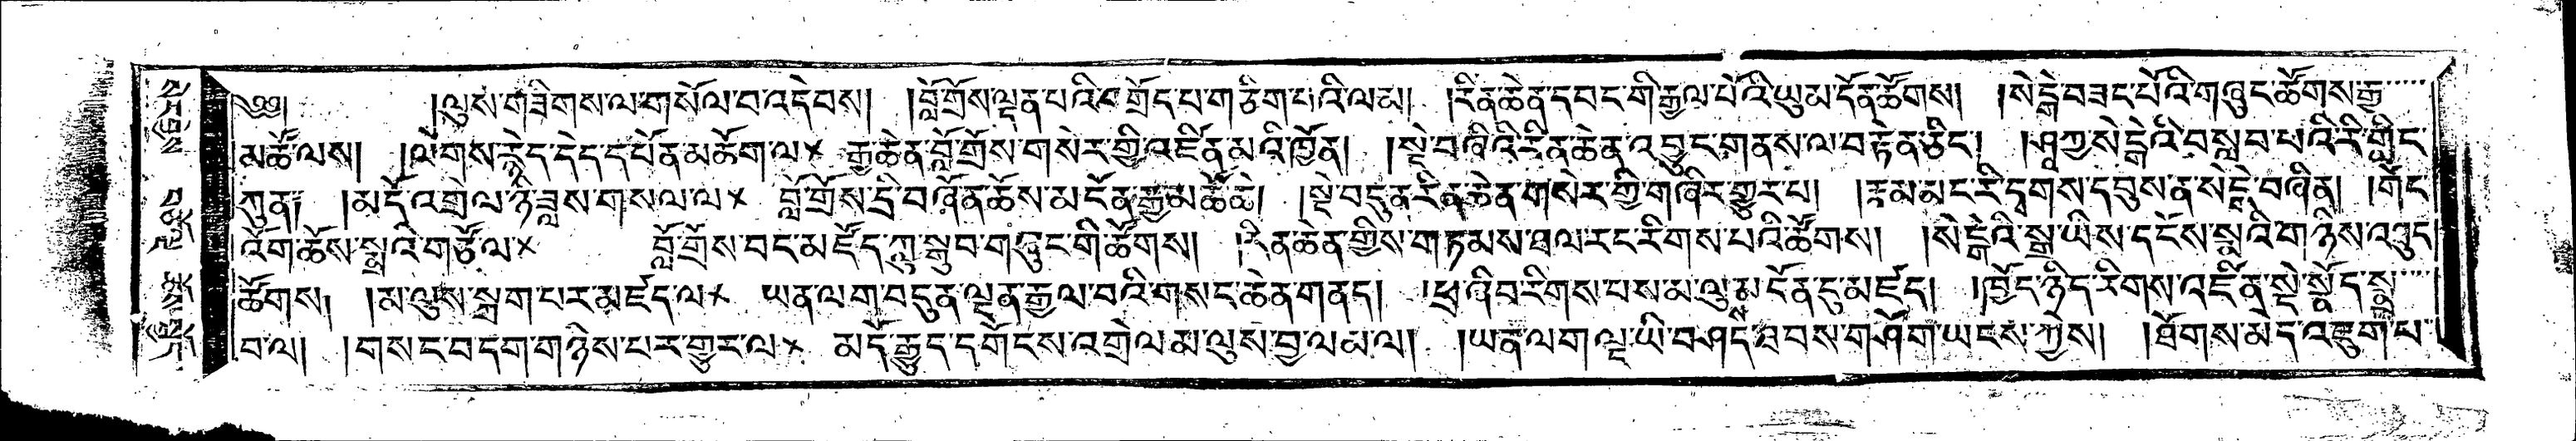༄༅། །ལུས་གཟིགས་ལ་གསོལ་བ་འདེབས། །བློ་གྲོས་ལྡན་པའི་འགྲོད་པ་གཅིག་པའི་ལམ། །རིན་ཆེན་དབང་གི་རྒྱལ་པོའི་ཡུམ་དོན་ཚོགས། །སེངྒེ་བཟང་པོའི་གཞུང་ཚོགས་རྒྱ་
མཚོ་ལས། །ལེགས་རྙེད་དེད་དཔོན་མཆོག་ལ་{྾}་རྒྱ་ཆེན་བློ་གྲོས་གསེར་གྱི་འཛིན་མའི་ཁྱོན། །སྡེ་བཞིའི་རིན་ཆེན་འབྱུང་གནས་ལ་བརྟེན་ཅིང་། །ཤཱ་ཀྱ་སེངྒེའི་བསླབ་པའི་རི་གླིང་
ཀུན༑ །མདོ་འགྲེལ་ཉི་ཟླས་གསལ་ལ་{྾}་བློ་གྲོས་དྲི་བཞོན་ཆོས་མངོན་རྒྱ་མཚོ་ཆེ། །སྡེ་བདུན་རིན་ཆེན་གསེར་གྱི་གཞིར་གྱུར་པ། །རྣམ་མང་རི་དྭགས་དབུས་ན་སེངྒེ་བཞིན། །གོང་
འོག་ཆོས་སྨྲའི་གཙོ་ལ་{྾}་བློ་གྲོས་བང་མཛོད་ཀླུ་སྒྲུབ་གཞུང་གི་ཚོགས། །རིན་ཆེན་གྱིས་གཏམས་ཐལ་རང་རིགས་པའི་ཚོགས། །སེངྒེའི་སྒྲ་ཡིས་དངོས་སྨའི་གཉིས་འཐུང་
ཚོགས། །མ་ལུས་སྐྲག་པར་མཛད་ལ་{྾}་ཡན་ལག་བདུན་ལྡན་རྒྱལ་བའི་གསང་ཆེན་གནད། །ཕྲ་ཞིབ་རིགས་པས་མ་ལུས་མངོན་དུ་མཛད། །ཁྱོད་ཉིད་རིགས་འཛིན་སྡེ་སྣོད་སྨྲ་
བ་ལ། །གསང་བདག་གཉིས་པར་གྱུར་ལ་{྾}་མདོ་རྒྱུད་དགོངས་འགྲེལ་མ་ལུས་བྱ་ལམ་ལ། །ཡན་ལག་ལྔ་ཡི་བཤད་ཐབས་གཤོག་ཡངས་ཀྱེས། །ཐོགས་མེད་འཇུག་པ་